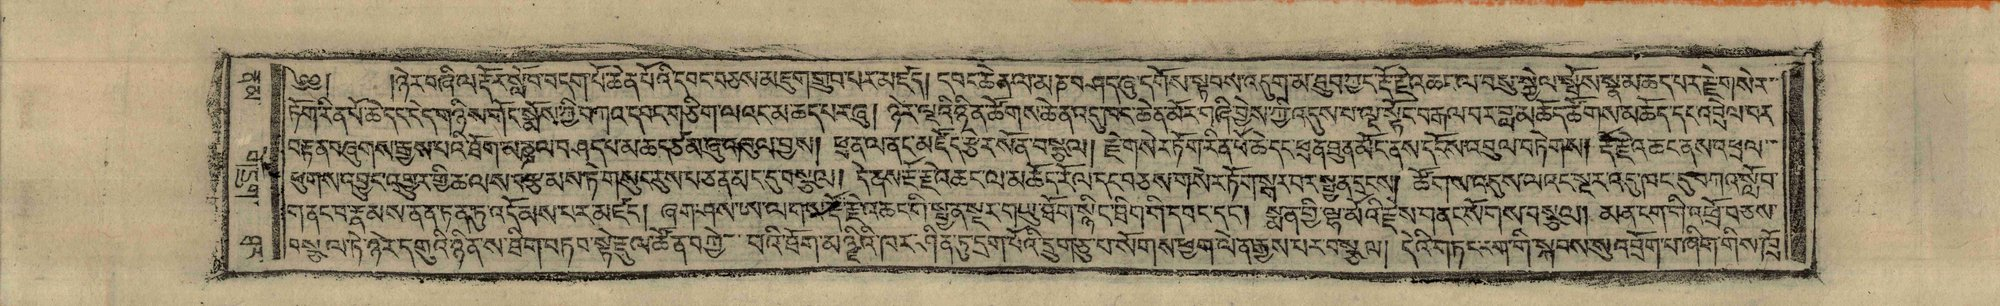༄༅། །ཉེར་བཞི་ལ་རྡོར་སློབ་བདག་པོ་ཆེན་པོའི་དབང་བཅས་མཇུག་གྲུབ་པར་མཛད། དབང་ཆེན་ལ་མ་ཎ་བཤད་ཞུ་དགོས་སྟབས་འདུག་མ་ཐུབ་ཀྱང་རྡོ་རྗེ་འཆང་ལ་བསུ་སྐྱེལ་སྤོས་སྣ་མཆད་པར་རྗེ་གསེར་
ཏོག་རིན་པོ་ཆེ་དང་ངེད་གཉིས་གོང་སྨོས་ཀྱི་བཀའ་དབང་གཅིག་ལའང་མ་ཆད་པར་ཞུ། ཉེར་ལྔའི་ཉིན་ཚོགས་ཆེན་འདུ་ཁང་ཆེན་མོར་གཞི་བྱེས་ཀྱི་འདུས་པ་ལྔ་སྟོང་བརྒལ་བར་བླ་མཆོད་ཚོགས་མཆོད་དང་འབྲེལ་བར་
བརྟན་བཞུགས་རྒྱས་པའི་ཐོག་མཎྜལ་བཤད་པ་མ་ཆད་ཙམ་ཞུ་འཁུལ་བྱས། ཕྲན་ལ་ནང་མཛོད་རྩེར་སོན་བསྩལ། རྗེ་གསེར་ཏོག་རིན་པོ་ཆེ་དང་ཕྲན་ཐུན་མོང་ནས་དངོས་འབུལ་བཏེགས། རྡོ་རྗེ་འཆང་ནས་འཕྲལ་
ཕུགས་འབྱུང་འགྱུར་གྱི་ཆ་ལས་བརྩམས་ཏེ་གསུང་རུས་པ་ཅན་མང་དུ་བསྩལ། དེ་ནས་རྡོ་རྗེ་འཆང་ལ་མཆོད་རོལ་དང་བཅས་གསེར་ཏོག་སྒར་བར་སྤྱན་དྲངས། ཚོགས་འདུས་ལའང་སྔར་འདུ་ཁང་དུ་བཀའ་སློབ་
གནང་བ་རྣམས་ནན་ཏན་ཏུ་འདོམས་པར་མཛད། ཞག་ཤས་ཨ་ལགས་རྡོ་རྗེ་འཆང་གི་སྤྱན་སྔར་གཡུ་ཐོག་སྙིང་ཐིག་གི་དབང་དང་། སྨན་གྱི་ལྷ་མོའི་རྗེས་གནང་སོགས་བསྩལ། མན་ངག་གི་འཕྲོ་བཅས་
བསྩལ་ཏེ་ཉེར་དགུའི་ཉིན་ས་ཐིག་བཏབ་སྟེ་རྡུལ་ཚོན་བགྱེ་བའི་ཐོག་མཉྫིའི་ཁར་ཤིན་ཏུ་དྲག་པོའི་དྲུག་ཅུ་པ་སོགས་ཕྱག་ལེན་རྒྱས་པར་བསྩལ། དེའི་གཏང་རག་གི་སྐབས་སུ་འབྲོག་པ་ཞིག་གིས་ཁྲོ་